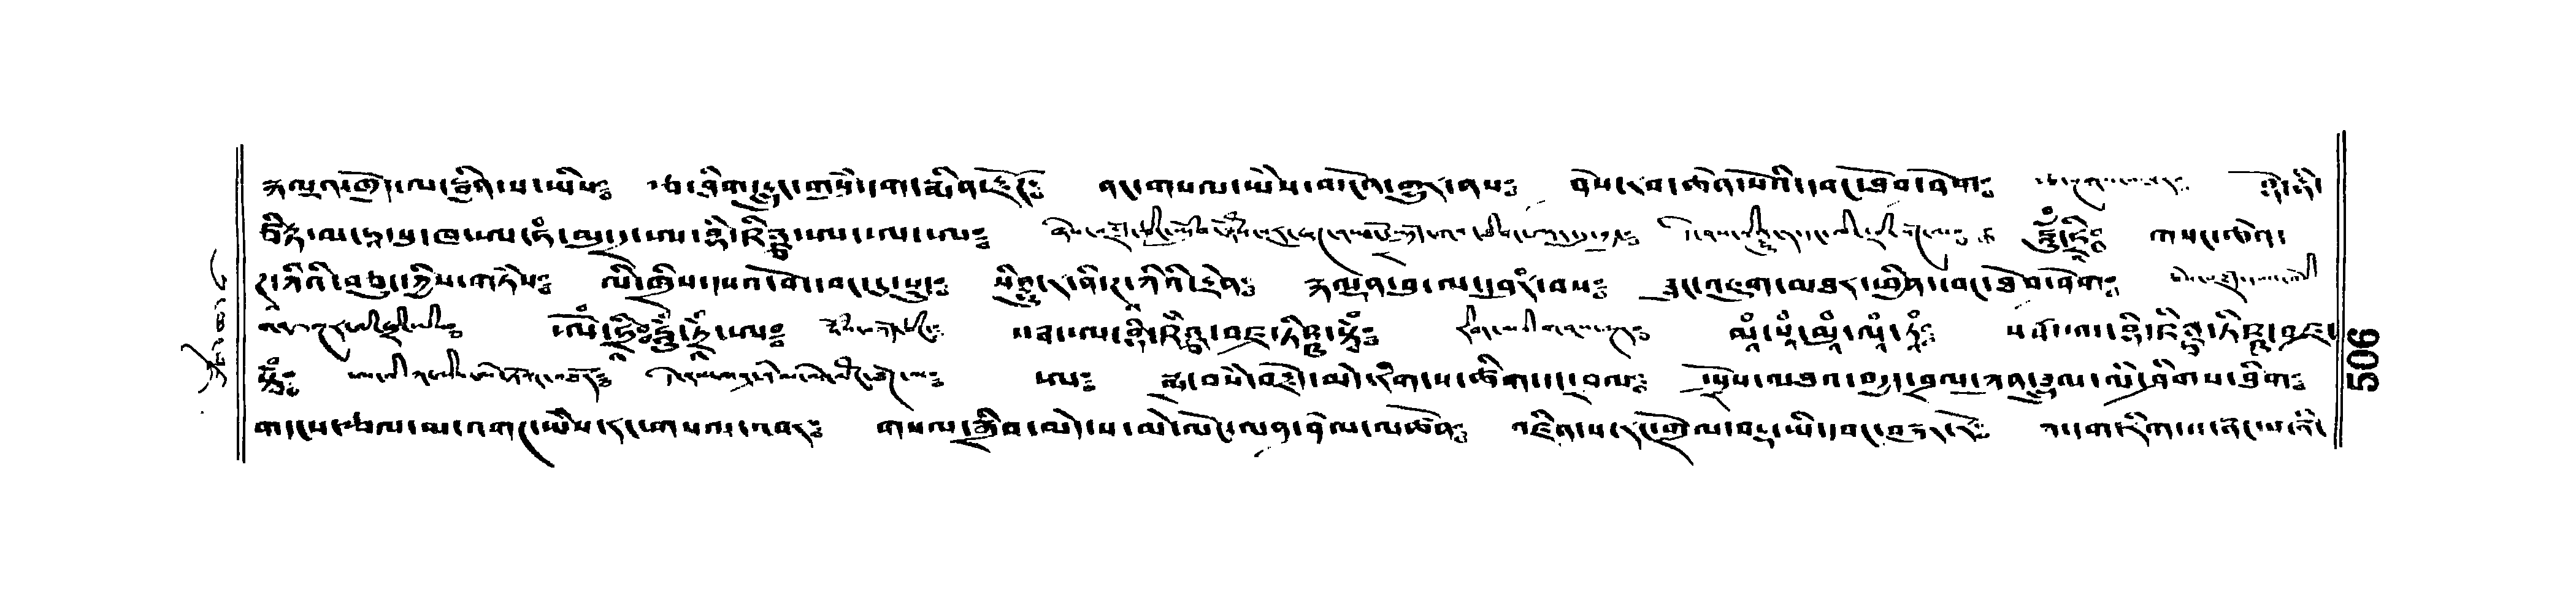སྐལ་ལྡན་ཁྱོད་ལ་སྦྱིན་པ་ཡིས༔ རྩ་ཐིག་རླུང་གསུམ་དག་སྨིན་རྫོགས༔ ནང་གསལ་ཡེ་ཤེས་མངོན་གྱུར་ནས༔ ཤེས་རབ་ཆེན་པོའི་དབང་ཐོབ་ཤོག༔ རྩ་སྔགས་མཐར༔ བྷོ་དྷི་
ཙིཏྟ་མ་ཧཱ་སུ་ཁ་ཨ་ཧཾ་མུ་དྲ་ཨ་བྷི་རིཉྩ་ཨ་ཨ་ཨཱཿ ཞེས་བརྗོད་ཅིང་ཡབ་ཡུམ་སྙོམས་པར་ཞུགས་ནས་ངོ་སྤྲོད་གབ་ཐིག་ལྟར་དུ་བྱ༔ དེ་ནས་སིནྡྷུ་ར་དང་ལིང་ཁྲི་ཐོགས་ལ༔ ཧཱུྃ་ཧྲཱིཿ གསང་ཆེན་
ཌཱ་ཀིའི་བཅུད་ཀྱིས་གཏམས༔ ལི་ཁྲིས་དཔའ་བོ་དབང་དུ་སྡུད༔ སིནྡྷུར་ནི་ཌཱ་ཀིའི་རྟེན༔ སྐལ་ལྡན་བུ་ལ་དབང་བསྐུར་བས༔ ཟུང་འཇུག་མཐར་ཕྱིན་དབང་ཐོབ་ཤོག༔ ཅེས་བརྗོད་དཔའ་བོའི་
གནས་སྔར་ལི་ཁྲི་ཡིས༔ ཨོཾ་ཧྲཱིཿཧཱུྃ་ཏྲཱྃ་ཨཱཿ རྣམས་བཀོད་ཅིང༔ སརྦ་ཨ་བྷི་རིཉྩ་བཛྲ་ཏིཥྛ་སྟྭྃ༔ རིག་མའི་གནས་ལྔར༔ མཱཾ་པཱཾ་མཱུཾ་ལཱཾ་ཏཱཾ༔ སརྦ་ཨ་བྷི་རིཉྩ་ཏིཥྛ་བཛྲ་
སྟྭྃ༔ ཨ་ལི་ཀ་ལིས་མེ་ཏོག་འཐོར༔ དེ་ནས་མན་ཤེལ་ལེ་ལོང་ཐོགས་ལ༔ ཨཱཿ སྨྲ་བསམ་བརྗོད་མེད་རིག་པ་ཚིག་དང་བྲལ༔ སྤྲོས་མཐའ་བརྒྱད་བྲལ་ཀུན་ཟླུམ་མི་ཤིགས་ཐིག༔ 
གདངས་རྩལ་མ་འགགས་ཡེ་ཤེས་རང་གསལ་བར༔ གསལ་སྒྲིབ་མེད་པ་མེ་ལོང་མན་ཤེལ་མཚོན༔ འཛིན་པ་རང་གྲོལ་བརྡ་ཡི་དབང་བསྐུར་རོ༔ ཀ་དག་རིག་པ་སྣང་བཞི་